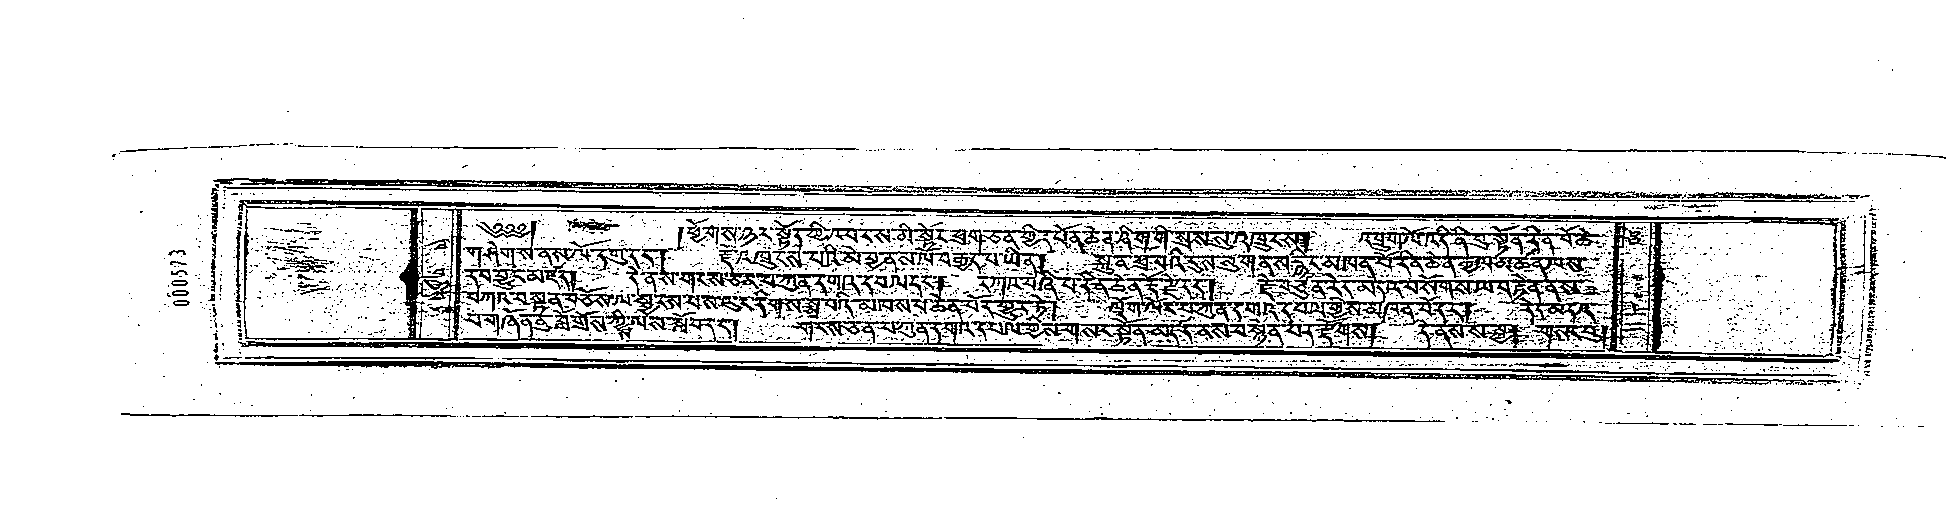༄༅༅། །ཕྱོགས་ཉ་བསྟོད་ཀྱི་འབངས་མི་སྟོང་ཕྲག་ཅན་གྱི་དཔོན་ཆེན་ཞིག་གི་སྲས་སུ་འཁྲུངས། འབྲུག་ལོ་འདི་ནི་བུ་སྟོན་རིན་པོ་ཆེ་
གཤེགས་ནས་ལོ་དགུ་དང་། རྗེ་འཁྲུངས་པའི་མེ་བྱ་ནས་ལོ་བརྒྱད་པ་ཡིན། སྐུ་ན་ཕྲ་བའི་དུས་སུ་གནས་རྙིང་མཁན་པོ་རིན་ཆེན་རྒྱལ་མཚན་ལས་
རབ་བྱུང་མཛད། དེ་ནས་གངས་ཅན་པ་ཀུན་དགའ་དཔལ་དང་། དཀའ་བཞི་པ་རིན་ཆེན་རྡོ་རྗེ་དང་། རྗེ་བཙུན་རེང་མདའ་བ་སོགས་ལ་བརྟེན་ནས་
བཀའ་བསྟན་བཅོས་ལ་སྦྱངས་པས་ལུང་རིགས་སྨྲ་བའི་མཁས་པ་ཆེན་པོར་གྱུར་ཏེ། ལྡོག་ལོང་པ་ཀུན་དགའ་དཔལ་གྱིས་མཁན་པོ་དང་། རེད་མདའ་
པ་གཞོན་ནུ་བློ་གྲོས་ཀྱིས་ལས་སློབ་དང་། གངས་ཅན་པ་ཀུན་དགའ་དཔལ་གྱིས་གསང་སྟོན་མཛད་ནས་བསྙེན་པར་རྫོགས། དེ་ནས་ས་སྐྱ། གསང་བུ།